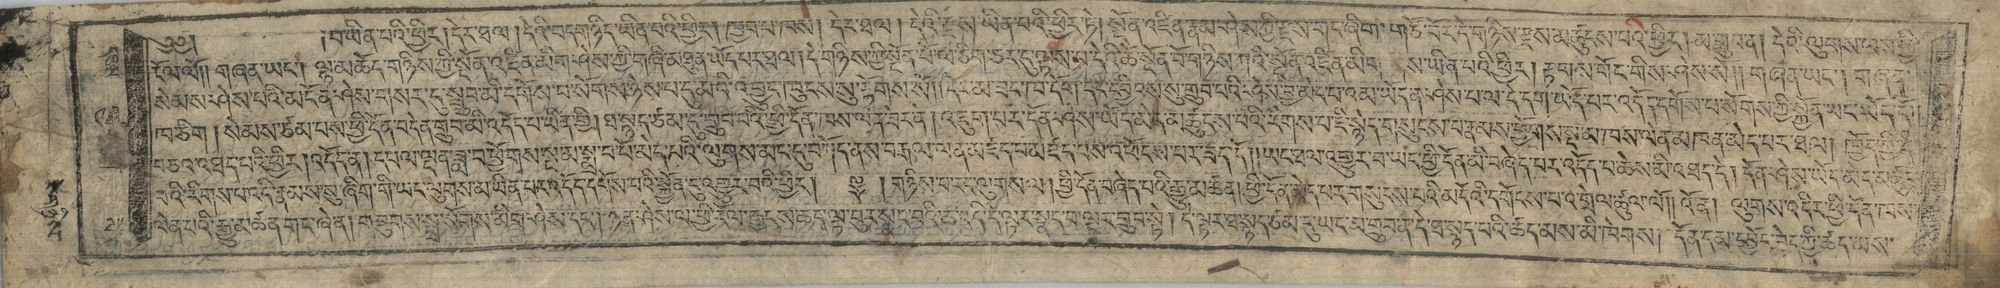༄༅། །པ་ཡིན་པའི་ཕྱིར། དེར་ཐལ། དེའི་བདག་ཉིད་ཡིན་པའི་ཕྱིར། ཁྱབ་པ་ཁས། དེར་ཐལ། དེའི་རྫས་ཡིན་པའི་ཕྱིར་ཏེ། སྔོན་འཛིན་རྣམ་ཤེས་ཀྱི་རྫས་གང་ཞིག །གཙོ་བོར་དེ་གཉིས་རྫས་མཚུངས་པའི་ཕྱིར། མ་གྲུབ་ན། དེའི་ལུགས་ལས་ཕྱི་
རོལ་ལོ། །གཞན་ཡང་། ལྷ་མཆོད་གཉིས་ཀྱི་སྔོན་འཛིན་མིག་ཤེས་ཀྱི་གཞི་མཐུན་ཡོད་པར་ཐལ། དེ་གཉིས་ཀྱི་སྔོན་པོ་ལ་ཅིག་ཅར་དུ་ལྟས་པ་དེའི་ཚེ་སྔོན་པོ་གཉིས་ཀའི་སྔོན་འཛིན་མིག་ཤེས་ཡིན་པའི་ཕྱིར། རྟགས་གོང་གིས་ཤེས་སོ། །གཞན་ཡང་། གཞན་
སེམས་ཤེས་པའི་མངོན་ཤེས་གསར་དུ་སྒྲུབ་མི་དགོས་པ་སོགས་ཉེས་པ་དུ་མའི་འབྱུང་ཁུངས་སུ་རྟོགས་སོ། །དེར་མ་ཟད་ཁ་དོག་དང་དབྱིབས་སུ་གྲུབ་པའི་ཤེས་བྱ་མེད་པ་འམ་ཡོད་ན་ཤེས་པ་ལ་དེ་དག་ཡོད་པར་འདོད་དགོས་པ་སོགས་ཀྱི་སྐྱོན་ཡང་ཡོད་དོ། །
ཁ་ཅིག །སེམས་ཙམ་པས་ཕྱི་དོན་བདེན་གྲུབ་མི་འདོད་པ་ཡིན་གྱི། ཐ་སྙད་ཙམ་དུ་གྲུབ་པའི་ཕྱི་དོན་ཁས་ལེན་ཟེར་ན། འཇུག་པར་དོན་ཤེས་ཡོད་མེད་མཚུངས་པའི་རིགས་པ་ཇི་སྙེད་གསུངས་པ་རྣམས་ཕྱོགས་སྔ་མ་ཁས་ལེན་མཁན་མེད་པར་ཐལ། ཁྱོད་ཀྱི་དམ་
བཅའ་འཐད་པའི་ཕྱིར། འདོད་ན། དཔལ་ལྡན་ཟླ་བ་ཕྱོགས་སྔ་མ་སྨྲ་བ་པོ་མེད་པའི་ལུགས་མང་དུ་བཀོད་ནས་བརྒལ་ལན་མཛད་པ་མཛད་པས་འཕོངས་པར་ཟད་དོ། །ཡང་ཐལ་འགྱུར་བ་ཡང་ཕྱིར་དོན་མི་བཞེད་པར་འདོད་བ་ཆེས་མི་འཐད་དེ། དོན་ཤེས་ཡོད་མེད་མཚུངས་
བའི་རིགས་པ་འདི་རྣམས་སུ་ཞིག་གི་ཡང་ལུགས་མ་ཡིན་པར་འདོད་དགོས་པའི་སྐྱོན་དུ་འགྱུར་བའི་ཕྱིར། ༈ །གཉིས་པ་རང་ལུགས་ལ། ཕྱིར་དོན་བཞེད་པའི་རྒྱུ་མཚན། ཕྱི་དོན་མེད་པར་གསུངས་པའི་མདོའི་དགོངས་པ་འགྲེལ་ཚུལ་ལོ།། འོ་ན། ལུགས་འདིར་ཕྱི་དོན་ཁས་
ལེན་པའི་རྒྱུ་མཚན་གང་ཞེ་ན། གཟུགས་སྒྲ་སོགས་མིག་ཤེས་དང་། ཉན་ཤེས་ལ་ཕྱི་རོལ་རྒྱངས་ཆད་ལྟ་བུར་སྣང་བའི་ཆ་འདི་དེ་ལྟར་སྣང་བ་ལྟར་གྲུབ་སྟེ། དེ་ལྟར་ཐ་སྙད་ཙམ་དུ་ཡང་མ་གྲུབ་ན་དེ་ཐ་སྙད་པའི་ཚད་མས་མི་ཁྲེགས།དོན་དམ་དཔྱོད་བྱེད་ཀྱི་ཚད་མས་